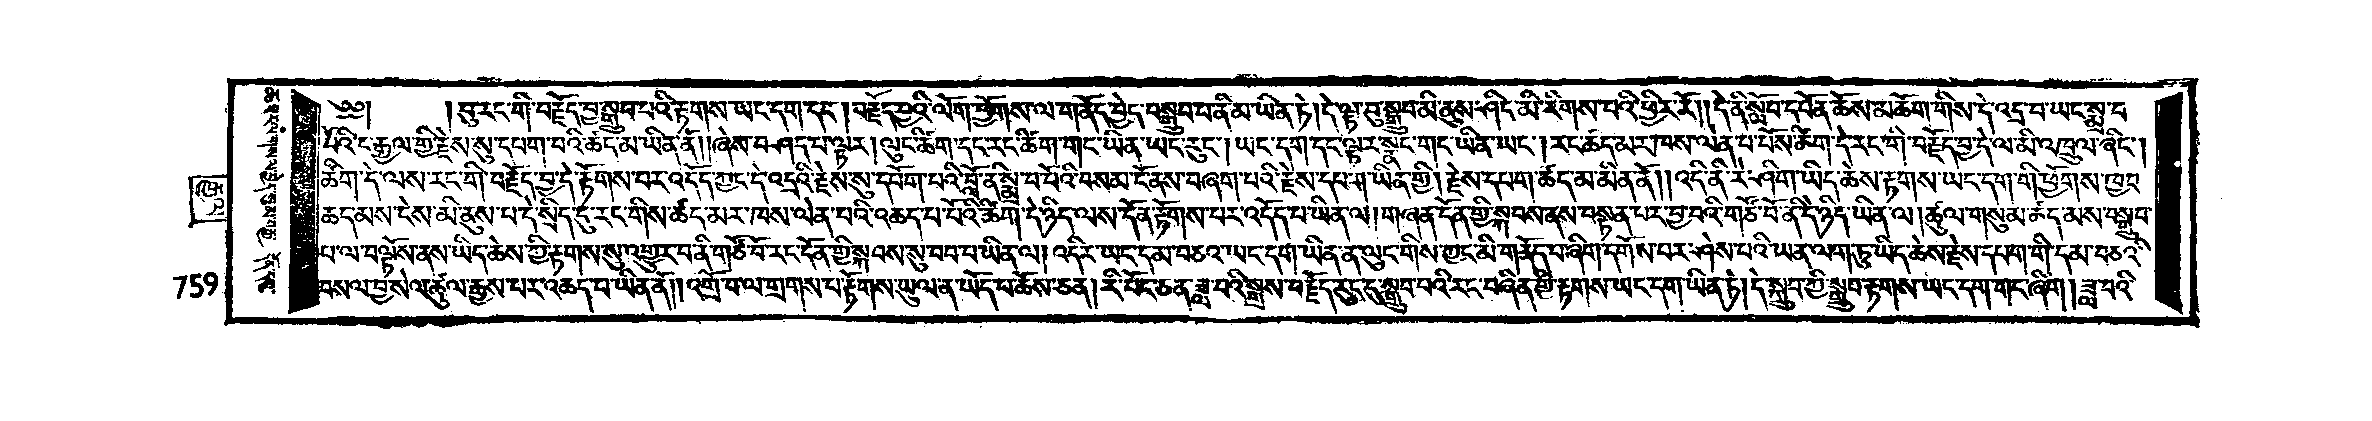༄༅། །བུ་རང་གི་བརྗོད་བྱ་སྒྲུབ་པའི་རྟགས་ཡང་དག་དང་། བརྗོད་བྱའི་ལོག་ཕྱོགས་ལ་གནོད་བྱེད་བསྒྲུབ་པ་ནི་མ་ཡིན་ཏེ། དེ་ལྟ་བུ་སྒྲུབ་མི་ནུས་ཤིང་མི་རིགས་པའི་ཕྱིར་རོ། །དེ་ནི་སློབ་དཔོན་ཆོས་མཆོག་གིས་དེ་འདྲ་བ་ཡང་སྨྲ་བ་
པོའི་ང་རྒྱལ་གྱི་རྗེས་སུ་དཔག་པའི་ཚད་མ་ཡིན་ནོ། །ཞེས་བཤད་པ་ལྟར། ལུང་ཚིག་དང་རང་ཚིག་གང་ཡིན་ཡང་རུང་། ཡང་དག་དང་ལྟར་སྣང་གང་ཡིན་ཡང་། རང་ཚད་མར་ཁས་ལེན་པ་པོས་ཚིག་དེ་རང་གི་བརྗོད་བྱ་དེ་ལ་མི་འཁྲུལ་ཞིང་།
ཚིག་དེ་ལས་རང་གི་བརྗོད་བྱ་དེ་རྟོགས་པར་འདོད་ཀྱང་དེ་འདྲའི་རྗེས་སུ་དཔོག་པའི་བློ་ནི་སྨྲ་བ་པོའི་བསམ་ངོ་ནས་བཞག་པའི་རྗེས་དཔག་ཡིན་གྱི། རྗེས་དཔག་ཚད་མ་མིན་ནོ། །འདི་ནི་རེ་ཤིག་ཡིད་ཆེས་རྟགས་ཡང་དག་གི་ཕྱོགས་ཁྱབ་
ཚད་མས་ངེས་མི་ནུས་པ་དེ་སྲིད་དུ་རང་གིས་ཚད་མར་ཁས་ལེན་པའི་འཆད་པ་པོའི་ཚིག་དེ་ཉིད་ལས་དོན་རྟོགས་པར་འདོད་པ་ཡིན་ལ། གཞན་དོན་གྱི་སྐབས་ནས་བསྟན་པར་བྱ་བའི་གཙོ་བོ་ནི་དེ་ཉིད་ཡིན་ལ། ཚུལ་གསུམ་ཚད་མས་བསྒྲུབ་
པ་ལ་བལྟོས་ནས་ཡིད་ཆེས་ཀྱི་རྟགས་སུ་འགྱུར་བ་ནི་གཙོ་བོ་རང་དོན་གྱི་སྐབས་སུ་བབ་པ་ཡིན་ལ། འདིར་ཡང་དམ་བཅའ་ཡང་དག་ཡིན་ན་ལུང་གིས་ཀྱང་མི་གནོད་པ་ཞིག་དགོས་པར་ཤེས་པའི་ཡན་ལག་ཏུ་ཡིད་ཆེས་རྗེས་དཔག་གི་དམ་བཅའི་
བསལ་བྱ་སེལ་ཚུལ་རྒྱས་པར་འཚད་པ་ཡིན་ནོ། །འགྲོ་བ་ལ་གྲགས་པ་རྟོགས་ཡུལ་ན་ཡོད་པ་ཆོས་ཅན། རི་བོང་ཅན་ཟླ་བའི་སྒྲས་བརྗོད་རུང་དུ་སྒྲུབ་པའི་རང་བཞིན་གྱི་རྟགས་ཡང་དག་ཡིན་ཏེ། དེ་སྒྲུབ་ཀྱི་སྒྲུབ་རྟགས་ཡང་དག་གང་ཞིག །ཟླ་བའི་